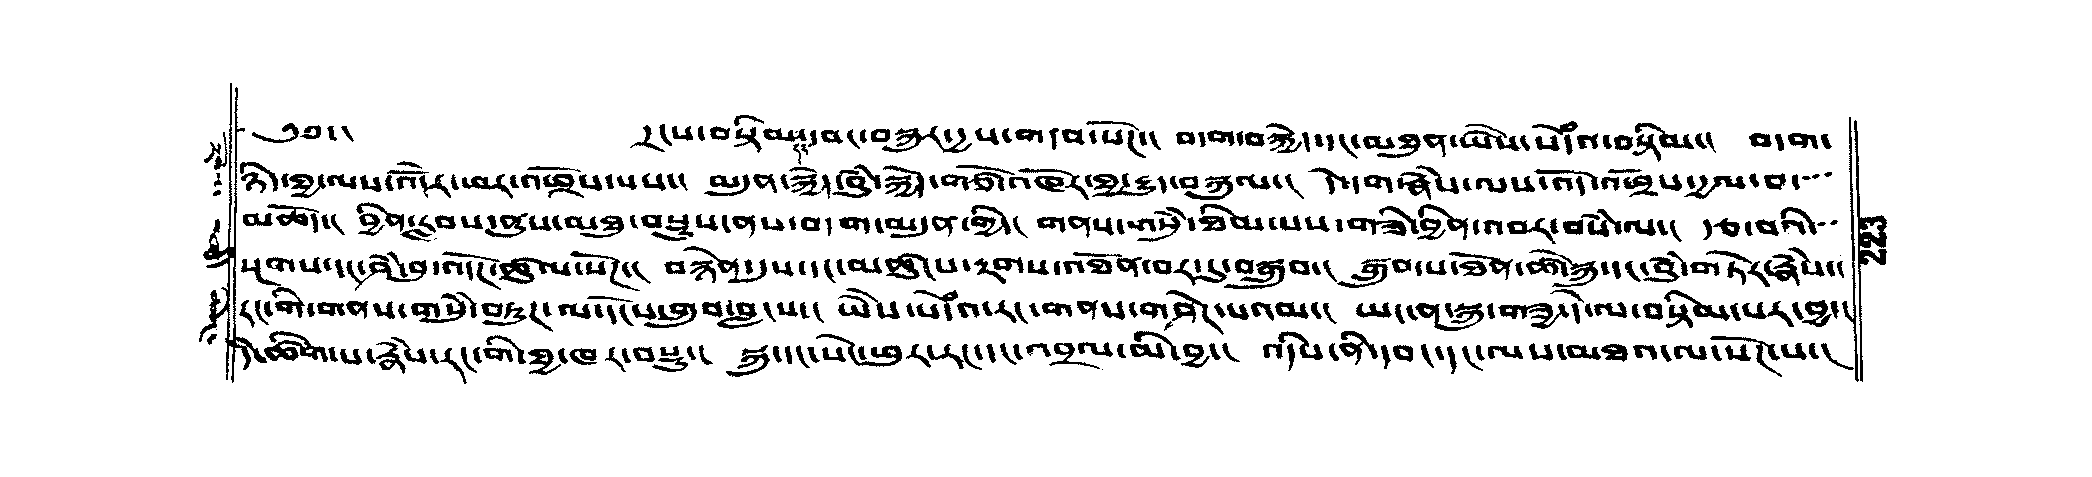དྲངས་བསྟིམས་དང་དབང་བསྐུར་རྒྱས་གདབ་སོགས།བདག་བསྐྱེད་དང་མཐུན་ཡེ་ཤེས་སེམས་དཔའ་བསྟིམ། བདག་
ཉིད་ཐུགས་ལས་འོད་ཟེར་ཕར་འཕྲོས་པས། མདུན་སྐྱེད་བུམ་སྐྱེད་གཙོ་འཁོར་ཐུགས་རྒྱུད་བསྐུལ། དེ་དག་རྣམས་ལས་འོད་འཕྲོས་རྒྱལ་བ་
མཆོད། བྱིན་རླབས་ནུས་མཐུ་བསྡུས་ནས་བདག་མདུན་གྱི། གནས་གསུམ་ཐིམ་པས་གཟི་བྱིན་འབར་བསམ་ལ། རྩ་བའི་
སྔགས་དང་ཤམ་བུ་འདོགས་ཚུལ་སོགས། བསྙེན་དུས་དང་མཚུངས་རྟགས་འཐོན་བར་དུ་བསྒྲུབ། སྒྲུབ་པ་ཐོན་ཚེ་སྐུ་དང་བུམ་གཏེར་རྣམས། 
རང་གི་གནས་གསུམ་བཏུགས་ལ་དངོས་གྲུབ་བླངས། ཡེ་ཤེས་སེམས་དཔའ་རང་གནས་གཤེགས་པའམ། ཡང་ན་སྐུ་གཟུགས་དེ་ལ་བསྟིམ་པར་བྱ། 
དམ་ཚིག་པ་རྣམས་རང་གི་ཐུགས་ཁར་བསྡུ། སྐུ་དང་སེང་ཕུར་རང་དང་འབྲལ་མི་བྱ། འདིས་ནི་དབང་དང་ལས་མཐའ་ལ་སོགས་པ།